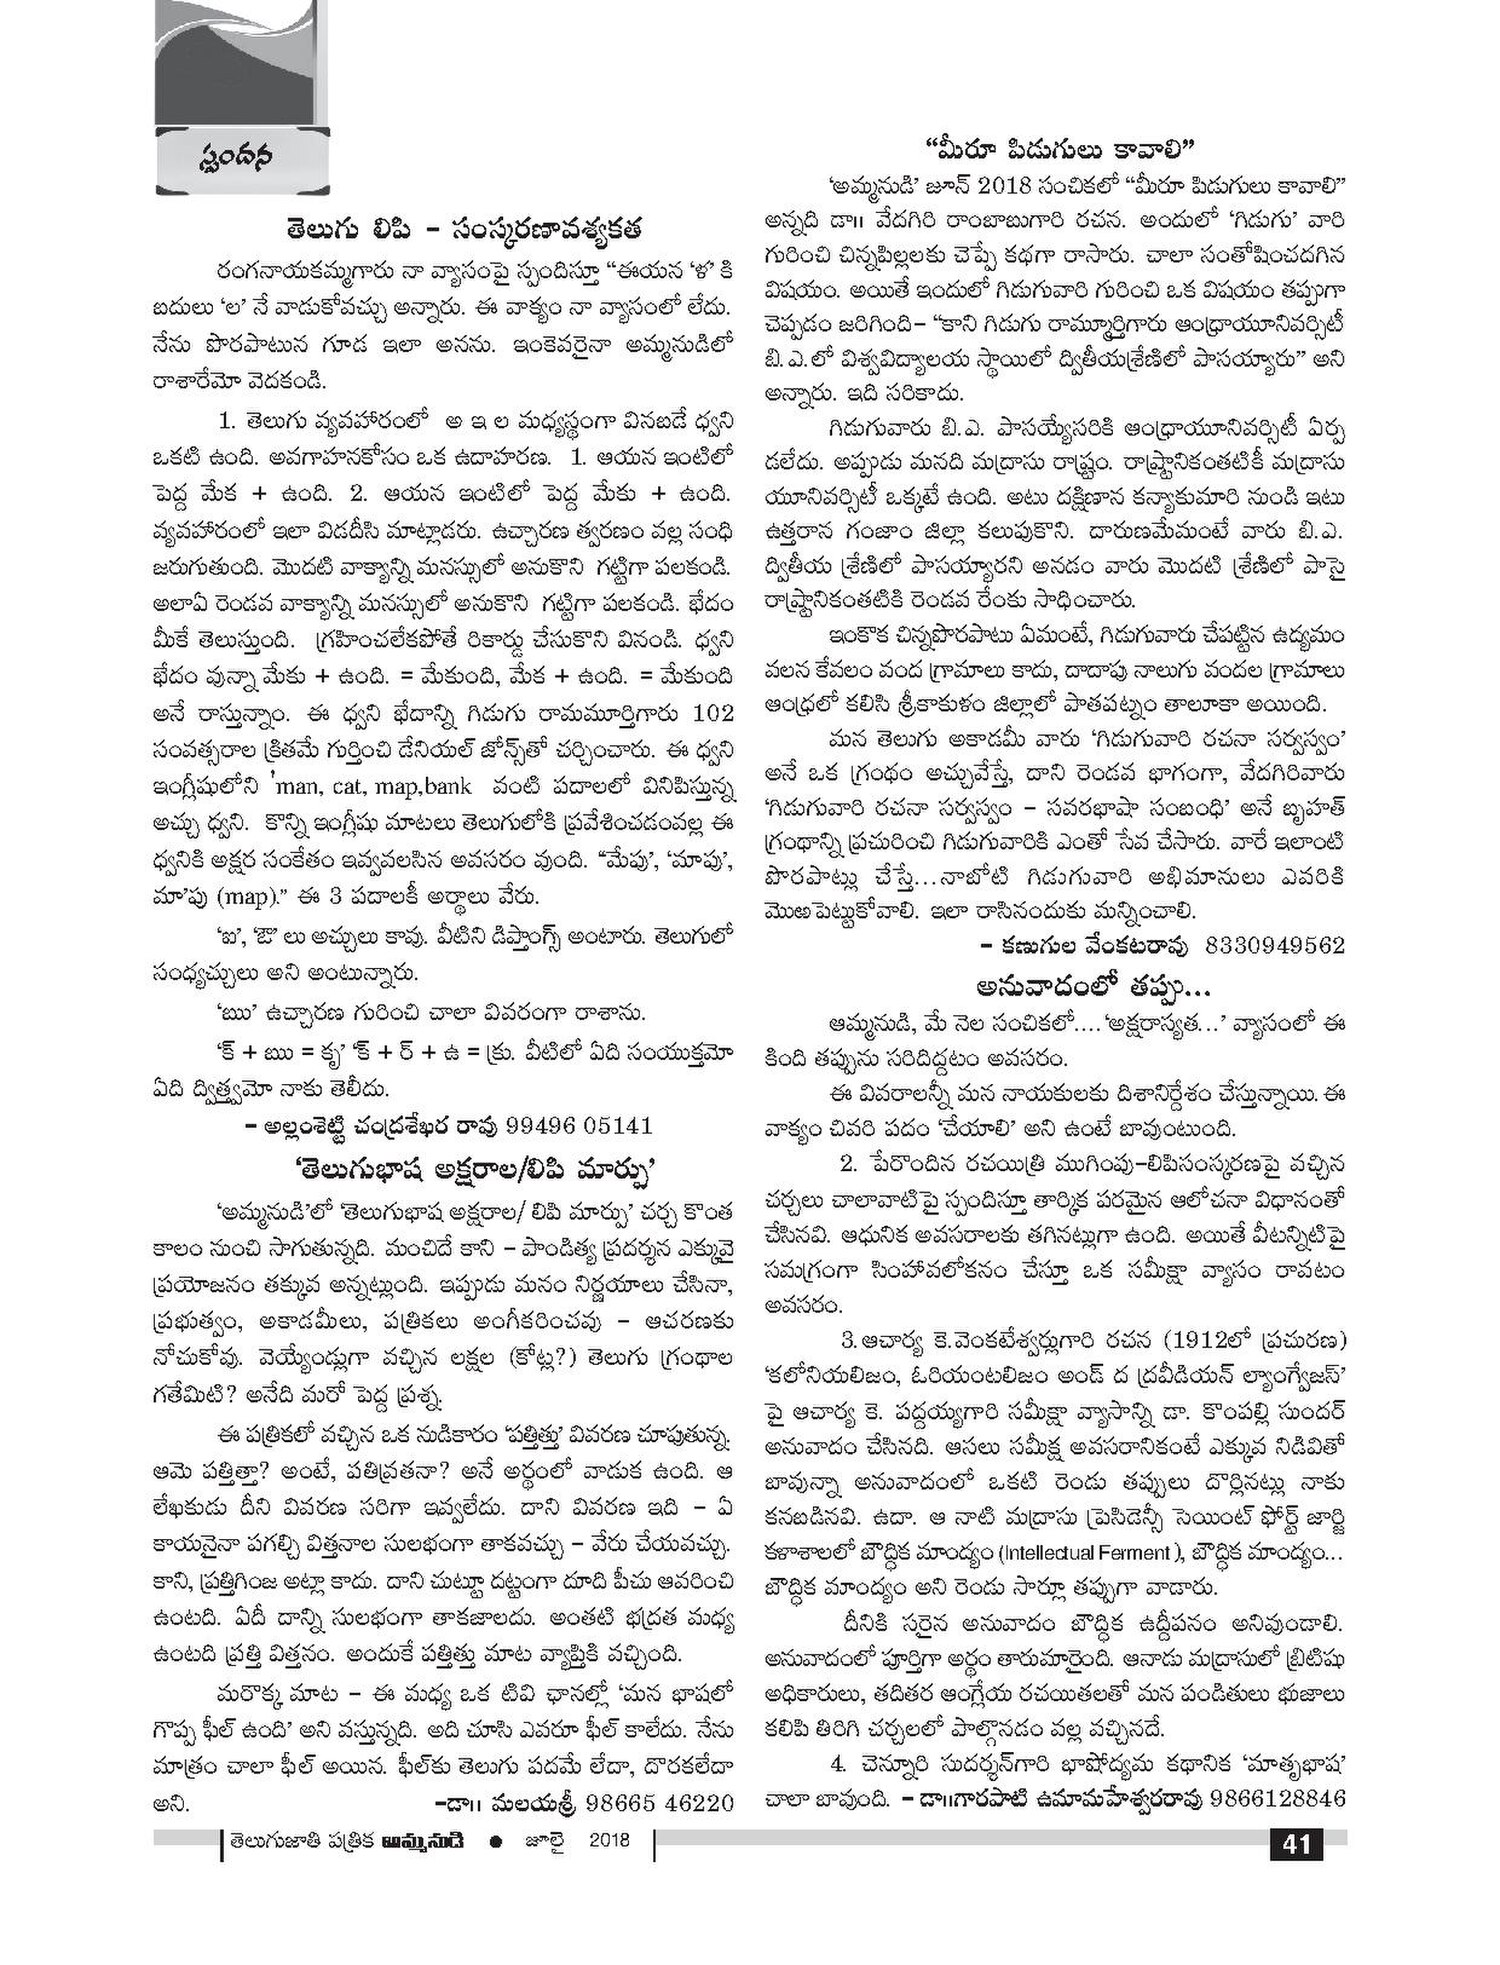తెలుగు లిపి - సంస్కరణావశ్యకత

రంగనాయకమ్మగారు నా వ్యాసంపై స్పందిస్తూ “ఈయన 'ళ' కి బదులు 'ల' నే వాడుకోవచ్చు అన్నారు. ఈ వాక్యం నా వ్యాసంలో లేదు. నేను పొరపాటున గూడ ఇలా అనను. ఇంకెవరైనా అమ్మనుడిలో
రాశారేమో వెదకండి.

1. తెలుగు వ్యవహారంలో అ ఇ ల మధ్యస్థంగా వినబడే ధ్వని ఒకటి ఉంది. అవగాహనకోసం ఒక ఉదాహరణ. 1. ఆయన ఇంటిలో పెద్ద మేక + ఉంది. 2. ఆయన ఇంటిలో పెద్ద మేకు + ఉంది.
వ్యవహారంలో ఇలా విడదీసి మాట్లాడరు. ఉచ్చారణ త్వరణం వల్ల సంధి జరుగుతుంది. మొదటి వాక్యాన్ని మనస్సులో అనుకొని గట్టిగా పలకండి. అలాఏ రెండవ వాక్యాన్ని మనస్సులో అనుకొని గట్టిగా పలకండి. భేదం మీకే తెలుస్తుంది. గ్రహించలేకపోతే రికార్డు చేసుకొని వినండి. ధ్వనిభేదం వున్నా మేకు + ఉంది. = మేకుంది, మేక + ఉంది. = మేకుంది అనే రాస్తున్నాం. ఈ ధ్వని భేదాన్ని గిడుగు రామమూర్తిగారు 102 సంవత్సరాల క్రితమే గుర్తించి డేనియల్‌ జోన్స్‌తో చర్చించారు. ఈ ధ్వని ఇంగ్లీషులోని man, cat, map, bank వంటి పదాలలో వినిపిస్తున్న అచ్చు ధ్వని. కొన్ని ఇంగ్లీషు మాటలు తెలుగులోకి ప్రవేశించడంవల్ల ఈ ధ్వనికి అక్షర సంకేతం ఇవ్వవలసిన అవసరం వుంది. 'మేపు', 'మాపు', మా'పు (map))” ఈ 3 పదాలకీ అర్ధాలు వేరు.

'ఐ', 'ఔలు అచ్చులు కావు. వీటిని డిప్తాంగ్స్‌ అంటారు. తెలుగులో సంధ్యచ్చులు అని అంటున్నారు.

'ఋ' ఉచ్చారణ గురించి చాలా వివరంగా రాశాను.

'క్‌ + ఋ =కృ' 'క్‌ +ర్‌ + ఉ = క్రు. వీటిలో ఏది సంయుక్తమో ఏది ద్విత్త్వమో నాకు తెలీదు.

'తెలుగుభాష అక్షరాల/లిపి మార్పు'

'అమ్మనుడి'లో తెలుగుభాష అక్షరాల/ లిపి మార్పు' చర్చ కొంత కాలం నుంచి సాగుతున్నది. మంచిదే కాని - పాండిత్య ప్రదర్శన ఎక్కువై ప్రయోజనం తక్కువ అన్నట్లుంది. ఇప్పుడు మనం నిర్ణయాలు చేసినా, ప్రభుత్వం, అకాడమీలు, పత్రికలు అంగీకరించవు - ఆచరణకు నోచుకోవు. వెయ్యేండ్లుగా వచ్చిన లక్షల (కోట్ల?) తెలుగు గ్రంథాల గతేమిటి? అనేది మరో పెద్ద ప్రశ్న

ఈ పత్రికలో వచ్చిన ఒక నుడికారం 'పత్తిత్తు' వివరణ చూపుతున్న ఆమె పత్తిత్తా? అంటే, పతివ్రతనా? అనే అర్ధంలో వాడుక ఉంది. ఆ లేఖకుడు దీని వివరణ సరిగా ఇవ్వలేదు. దాని వివరణ ఇది - ఏ
కాయనైనా పగల్చి విత్తనాల సులభంగా తాకవచ్చు. - వేరు చేయవచ్చు. కాని, ప్రత్తిగింజ అట్లా కాదు. దాని చుట్టూ దట్టంగా దూది పీచు ఆవరించి ఉంటది. ఏదీ దాన్ని సులభంగా తాకజాలదు. అంతటి భద్రత మధ్య ఉంటది ప్రత్తి విత్తనం. అందుకే పత్తిత్తు మాట వ్యాప్తికి వచ్చింది.

మరొక్క మాట - ఈ మధ్య ఒక టివి ఛానల్లో 'మన భాషలో గొప్ప ఫీల్‌ ఉంది' అని వస్తున్నది. అది చూసి ఎవరూ ఫీల్‌ కాలేదు. నేను మాత్రం చాలా ఫీల్‌ అయిన. ఫీల్‌కు తెలుగు పదమే లేదా, దొరకలేదా
అని. 

“మీరూ పిడుగులు కావాలి”

'అమ్మనుడి' జూన్‌ 2018 సంచికలో “మీరూ పిడుగులు కావాలి” అన్నది డా॥ వేదగిరి రాంబాబుగారి రచన. అందులో 'గిడుగు' వారి గురించి చిన్నపిల్లలకు చెప్పే కథగా రాసారు. చాలా సంతోషించదగిన
విషయం. అయితే ఇందులో గిడుగువారి గురించి ఒక విషయం తప్పుగా చెప్పడం జరిగింది - “కాని గిడుగు రామ్మూర్తిగారు ఆంధ్రాయూనివర్సిటీ బి.ఎ.లో విశ్వవిద్యాలయ స్థాయిలో ద్వితీయశ్రేణిలో పాసయ్యారు” అని అన్నారు. ఇది సరికాదు.

గిడుగువారు బి.ఎ. పాసయ్యేసరికి ఆంధ్రాయూనివర్సిటీ ఏర్పడలేదు. అప్పుడు మనది మద్రాసు రాష్ట్రం. రాష్ర్రానికంతటికీ మద్రాసు యూనివర్సిటీ ఒక్కటే ఉంది. అటు దక్షిణాన కన్యాకుమారి నుండి ఇటు
ఉత్తరాన గంజాం జిల్లా కలుపుకొని. దారుణమేమంటే వారు బి.ఎ. ద్వితీయ శ్రేణిలో పాసయ్యారని అనడం వారు మొదటి శ్రేణిలో పాసై రాష్ట్రానికంతటికి రెండవ రేంకు సాధించారు.

ఇంకొక చిన్నపొరపాటు ఏమంటే, గిడుగువారు చేపట్టిన ఉద్యమం వలన కేవలం వంద గ్రామాలు కాదు, దాదాపు నాలుగు వందల గ్రామాలు ఆంధ్రలో కలిసి శ్రీకాకుళం జిల్లాలో పాతపట్నం తాలూకా అయింది.

మన తెలుగు అకాడమీ వారు 'గిడుగువారి రచనా సర్వస్వం' అనే ఒక గ్రంథం అచ్చువేస్తే దాని రెండవ భాగంగా, వేదగిరివారు 'గిడుగువారి రచనా సర్వస్వం - సవరభాషా సంబంధి' అనే బృహత్‌ గ్రంథాన్ని ప్రచురించి గిడుగువారికి ఎంతో సేవ చేసారు. వారే ఇలాంటి పొరపాట్లు చేస్తే...నాబోటి గిడుగువారి అభిమానులు ఎవరికి మొఱపెట్టుకోవాలి. ఇలా రాసినందుకు మన్నించాలి.

అనువాదంలో తప్పు...

అమ్మనుడి, మే నెల సంచికలో... .'అక్షరాస్యత...' వ్యాసంలో ఈ కింది తప్పును సరిదిద్దటం అవసరం.

ఈ వివరాలన్నీ మన నాయకులకు దిశానిర్దేశం చేస్తున్నాయి. ఈ వాక్యం చివరి పదం 'చేయాలి' అని ఉంటే బావుంటుంది.

2. పేరొందిన రచయిత్రి ముగింపు -లిపిసంస్కరణపై వచ్చిన చర్చలు చాలావాటిపై స్పందిస్తూ తార్కిక పరమైన ఆలోచనా విధానంతో చేసినవి. ఆధునిక అవసరాలకు తగినట్లుగా ఉంది. అయితే వీటన్నిటిపై సమగ్రంగా సింహావలోకనం చేస్తూ ఒక సమీక్షా వ్యాసం రావటం అవసరం.

3. ఆచార్య కె.వెంకటేశ్వర్లుగారి రచన (1912లో ప్రచురణ) 'కలోనియలిజం, ఓరియంటలిజం అండ్‌ ద ద్రవీడియన్‌ ల్యాంగ్వేజస్‌' పై ఆచార్య కె. పద్దయ్యగారి సమీక్షా వ్యాసాన్ని డా. కొంపల్లి సుందర్‌ అనువాదం చేసినది. అసలు సమీక్ష అవసరానికంటే ఎక్కువ నిడివితో బావున్నా అనువాదంలో ఒకటి రెండు తప్పులు దొర్లినట్లు నాకు కనబడినవి. ఉదా. ఆ నాటి మద్రాసు ప్రెసిడెన్సీ సెయింట్‌ ఫోర్ట్‌ జార్జి
కళాశాలలో బౌద్ధిక మాంద్యం (intellectual Ferment), బౌద్ధిక మాంద్యం. బౌద్ధిక మాంద్యం అని రెండు సార్లూ తప్పుగా వాడారు.

దీనికి సరైన అనువాదం బౌద్ధిక ఉద్దీపనం అనివుండాలి. అనువాదంలో పూర్తిగా అర్థం తారుమారైంది. ఆనాడు మద్రాసులో బ్రిటిషు అధికారులు, తదితర ఆంగ్లేయ రచయితలతో మన పండితులు భుజాలు కలిపి తిరిగి చర్చలలో పాల్గొనడం వల్ల వచ్చినదే.

4 చెన్నూరి సుదర్శన్‌గారి భాషోద్యమ కథానిక 'మాతృభాష' చాలా బావుంది.